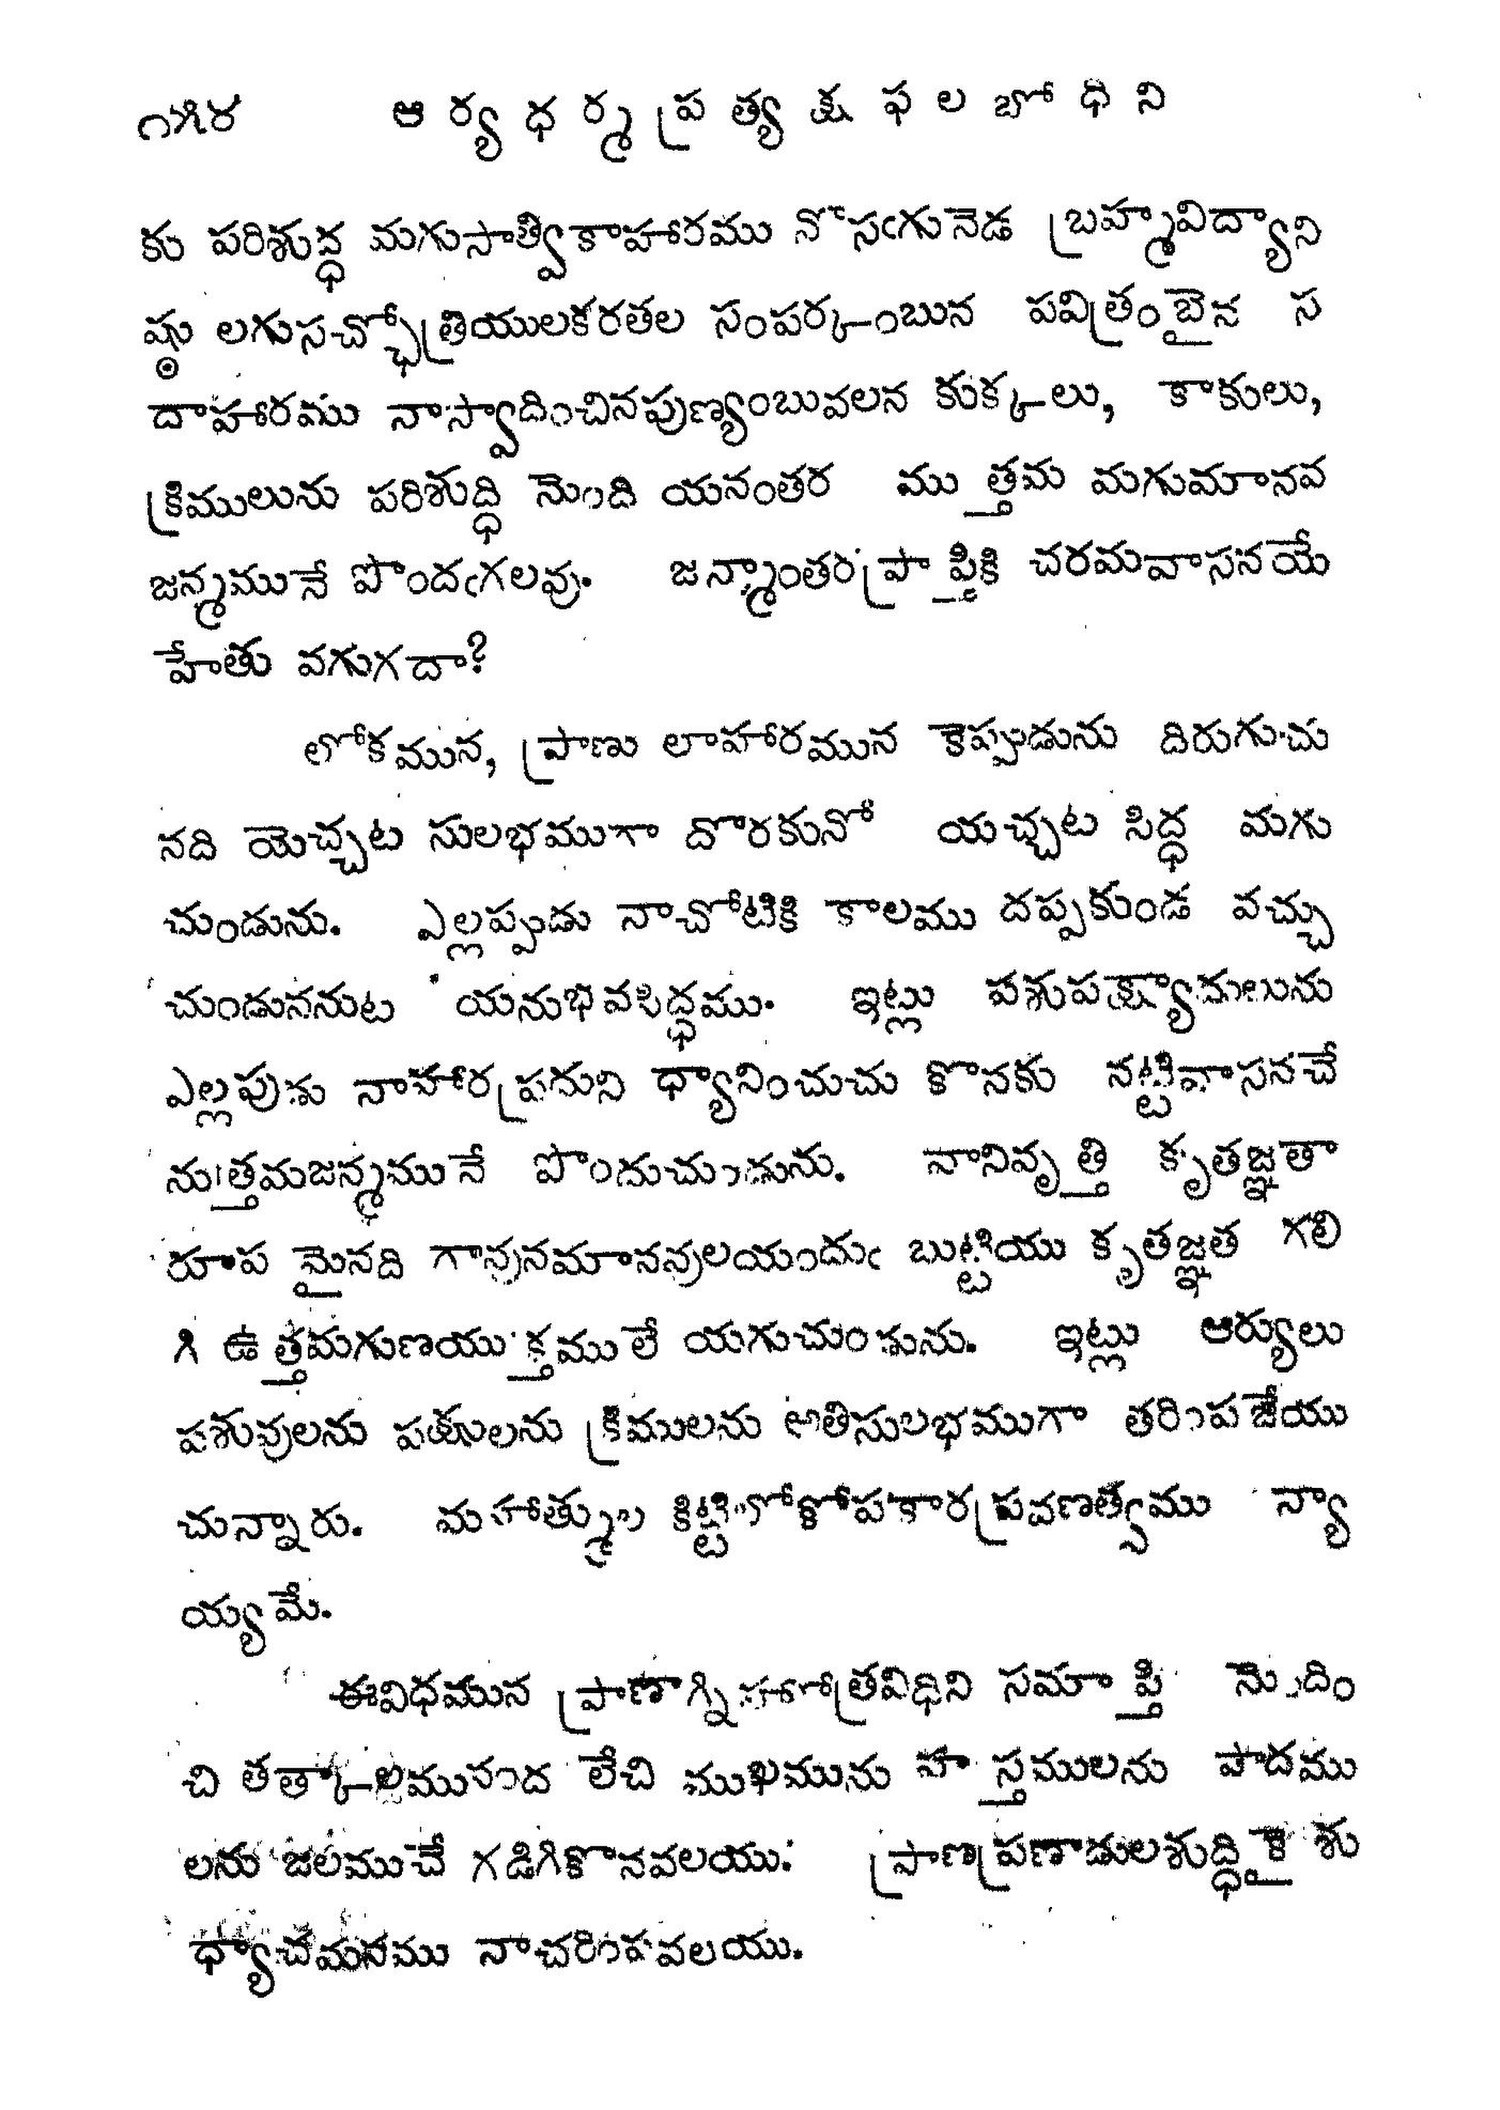కు పరిశుద్ధ మగుసాత్వికాహారము నొసఁగునెడ బ్రహ్మవిద్యానిష్ఠు లగుసచ్ఛోత్రియులకరతల సంపర్కంబున పవిత్రంబైన సదాహారము నాస్వాదించిన పుణ్యంబువలన కుక్కలు, కాకులు, క్రిములును పరిశుద్ధి నొంది యనంతర ముత్తమ మగుమానవ జన్మమునే పొందఁగలవు. జన్మాంతరప్రాప్తికి చరమవాసనయే హేతు వగుగదా?

లోకమున, ప్రాణు లాహారమున కెప్పుడును దిరుగుచు నది యెచ్చట సులభముగా దొరకునో యచ్చట సిద్ధ మగుచుండును. ఎల్లప్పుడు నాచోటికి కాలము దప్పకుండ వచ్చుచుండుననుట యనుభవసిద్ధము. ఇట్లు పశుపక్ష్యాదులును ఎల్లపుడు నాహారప్రదుని ధ్యానించుచు కొనకు నట్టివాసనచే నుత్తమజన్మమునే పొందుచుండును. వానివృత్తి కృతజ్ఞతారూప మైనది గావునమానవులయందుఁ బుట్టియు కృతజ్ఞత గలిగి
ఉత్తమగుణయుక్తములే యగుచుండును. ఇట్లు ఆర్యులు పశువులను పక్షులను క్రిములను అతిసులభముగా తరింపజేయుచున్నారు. మహాత్ముల కిట్టిలోకోపకారప్రవణత్వము న్యాయ్యమే.

ఈవిధమున ప్రాణాగ్నిహోత్రవిధిని సమాప్తి నొందించి తత్కాలమునంద లేచి ముఖమును హస్తములను పాదములను జలముచే గడిగికొనవలయు: ప్రాణప్రణాడులశుద్ధికై శుధ్యాచమనము నాచరింపవలయు.